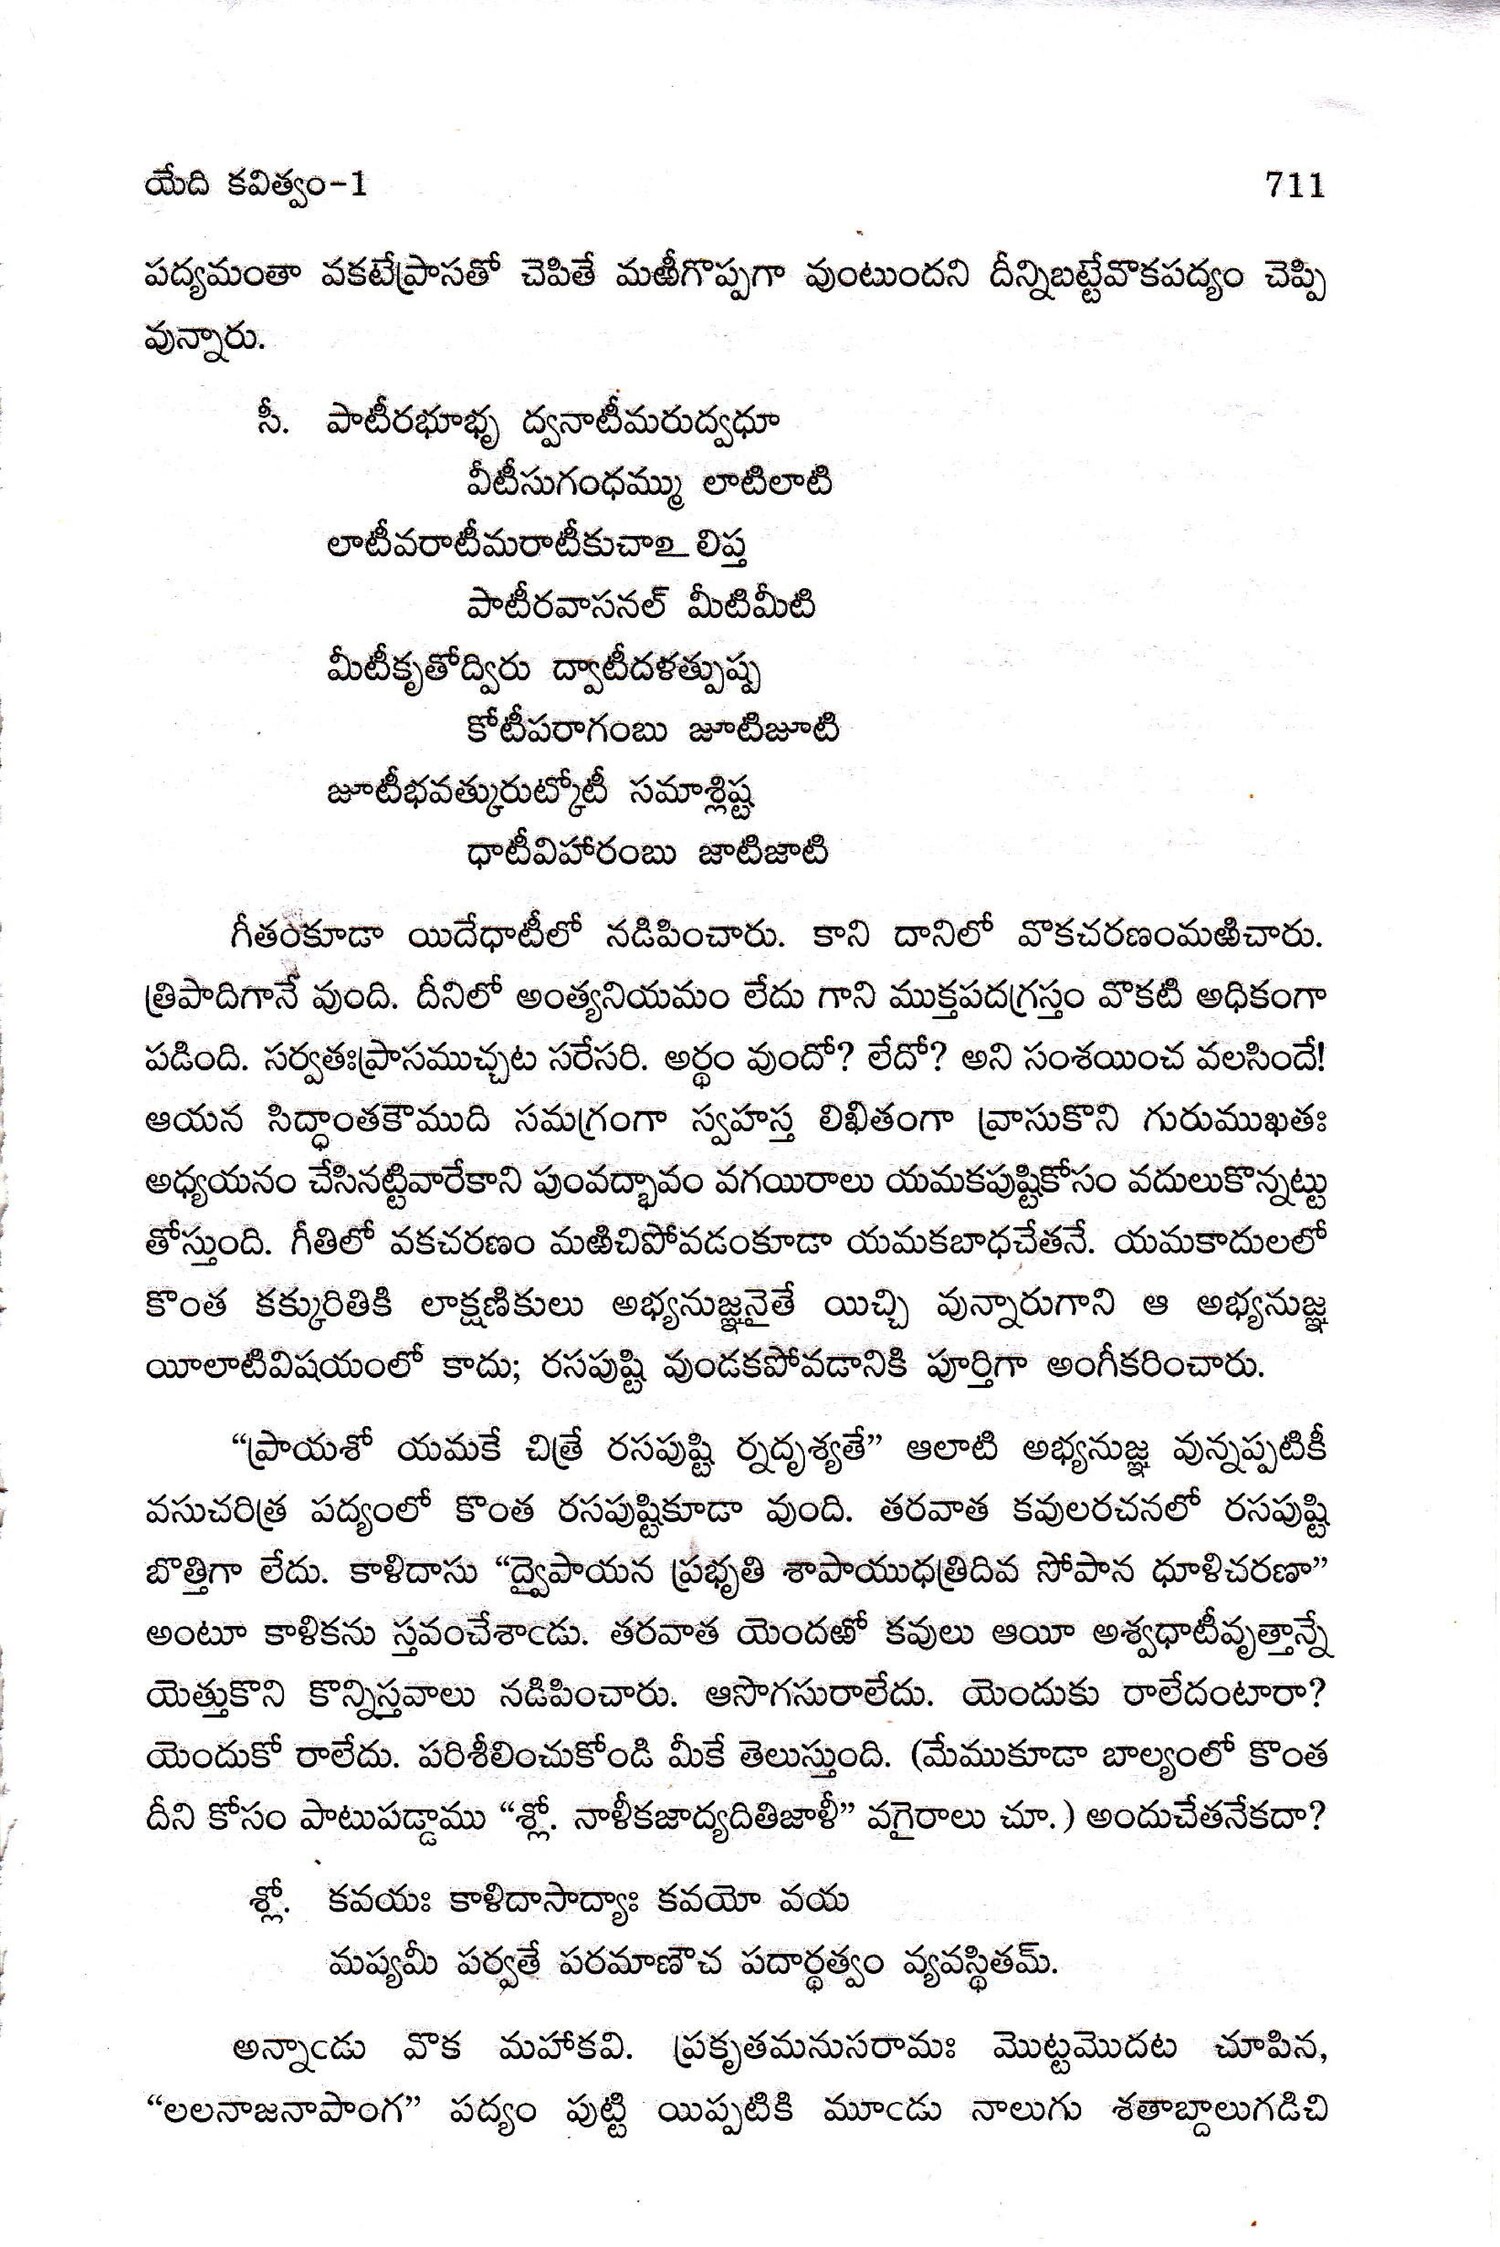పద్యమంతా వకటేప్రాసతో చెపితే మఱీగొప్పగా వుంటుందని దీన్నిబట్టేవొకపద్యం చెప్పి వున్నారు.

సీ. పాటీరభూభృ ద్వనాటీమరుద్వధూ
 వీటీసుగంధమ్ము లాటిలాటి
 లాటీవరాటీమరాటీకుచా౽లిప్త
 పాటీరవాసనల్ మీటిమీటి
 మీటీకృతోద్విరు ద్వాటీదళత్పుష్ప
 కోటీపరాగంబు జూటిజూటి
 జూటీభవత్కురుట్కోటీ సమాశ్లిష్ట
 ధాటీవిహారంబు జాటిజాటి
గీతంకూడా యిదేధాటీలో నడిపించారు. కాని దానిలో వొకచరణంమఱిచారు. త్రిపాదిగానే వుంది. దీనిలో అంత్యనియమం లేదు గాని ముక్తపదగ్రస్తం వొకటి అధికంగా పడింది. సర్వతఃప్రాసముచ్చట సరేసరి. అర్థం వుందో? లేదో? అని సంశయించ వలసిందే! ఆయన సిద్ధాంతకౌముది సమగ్రంగా స్వహస్త లిఖితంగా వ్రాసుకొని గురుముఖతః అధ్యయనం చేసినట్టివారేకాని పుంవద్భావం వగయిరాలు యమకపుష్టికోసం వదులుకొన్నట్టు తోస్తుంది. గీతిలో వకచరణం మఱిచిపోవడంకూడా యమకబాధచేతనే. యమకాదులలో కొంత కక్కురితికి లాక్షణికులు అభ్యనుజ్ఞనైతే యిచ్చి వున్నారుగాని ఆ అభ్యనుజ్ఞ యీలాటివిషయంలో కాదు; రసపుష్టి వుండకపోవడానికి పూర్తిగా అంగీకరించారు.

“ప్రాయశో యమకే చిత్రే రసపుష్టి ర్నదృశ్యతే" ఆలాటి అభ్యనుజ్ఞ వున్నప్పటికీ వసుచరిత్ర పద్యంలో కొంత రసపుష్టికూడా వుంది. తరవాత కవులరచనలో రసపుష్టి బొత్తిగా లేదు. కాళిదాసు "ద్వైపాయన ప్రభృతి శాపాయుధత్రిదివ సోపాన ధూళిచరణా” అంటూ కాళికను స్తవంచేశాఁడు. తరవాత యెందఱో కవులు ఆయీ అశ్వధాటీవృత్తాన్నే యెత్తుకొని కొన్నిస్తవాలు నడిపించారు. ఆసొగసురాలేదు. యెందుకు రాలేదంటారా? యెందుకో రాలేదు. పరిశీలించుకోండి మీకే తెలుస్తుంది. (మేముకూడా బాల్యంలో కొంత దీని కోసం పాటుపడ్డాము "శ్లో. నాళీకజాద్యదితిజాళీ” వగైరాలు చూ.) అందుచేతనేకదా?

శ్లో. కవయః కాళిదాసాద్యాః కవయో వయ
 మష్యమీ పర్వతే పరమాణౌచ పదార్థత్వం వ్యవస్థితమ్.
అన్నాఁడు వొక మహాకవి. ప్రకృతమనుసరామః మొట్టమొదట చూపిన, "లలనాజనాపాంగ" పద్యం పుట్టి యిప్పటికి మూఁడు నాలుగు శతాబ్దాలుగడిచి